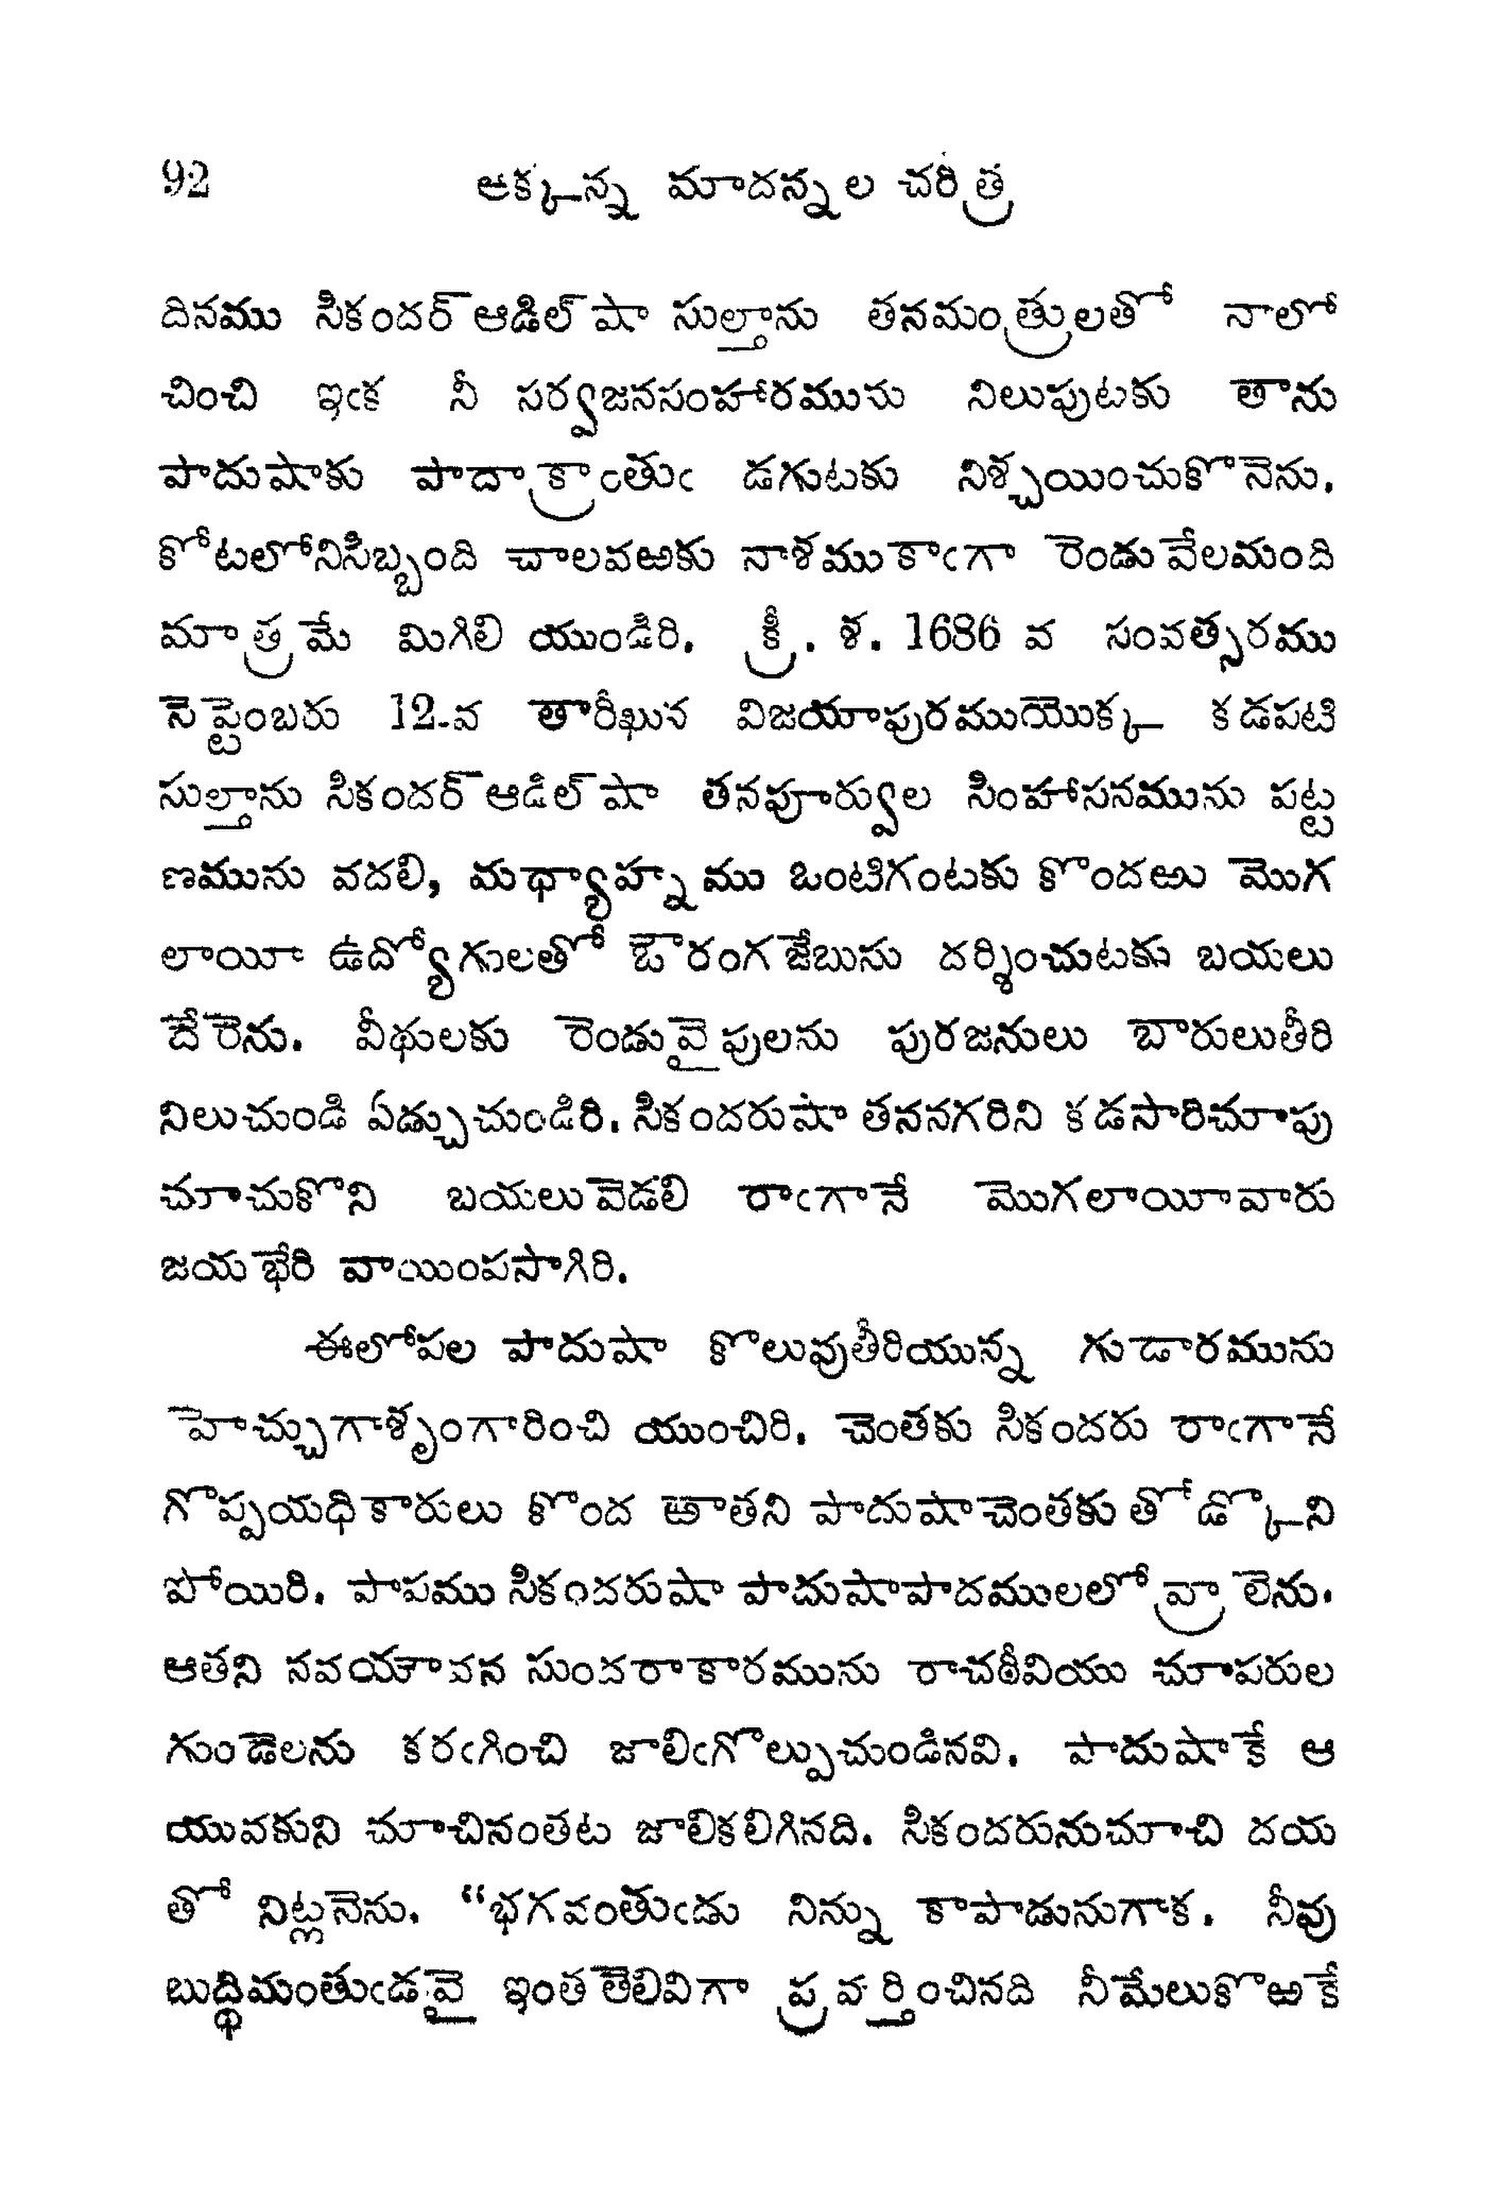దినము సికందర్ ఆడిల్‌షా సుల్తాను తనమంత్రులతో నాలోచించి ఇఁక నీ సర్వజనసంహారమును నిలుపుటకు తాను పాదుషాకు పాదాక్రాంతుఁ డగుటకు నిశ్చయించుకొనెను. కోటలోనిసిబ్బంది చాలవఱకు నాశముకాఁగా రెండువేలమంది మాత్రమే మిగిలి యుండిరి. క్రీ. శ. 1686 వ సంవత్సరము సెప్టెంబరు 12వ తారీఖున విజయాపురముయొక్క కడపటి సుల్తాను సికందర్‌ఆడిల్‌షా తనపూర్వుల సింహసనమును పట్టణమును వదలి, మధ్యాహ్నము ఒంటిగంటకు కొందఱు మొగలాయీ ఉద్యోగులతో ఔరంగజేబును దర్శించుటకు బయలుదేరెను. వీథులకు రెండువైపులను పురజనులు బారులుతీరి నిలుచుండి ఏడ్చుచుండిరి. సికందరుషా తననగరిని కడసారిచూపు చూచుకొని బయలువెడలి రాఁగానే మొగలాయీవారు జయభేరి వాయింపసాగిరి.

ఈలోపల పాదుషా కొలువుతీరియున్న గుడారమును హెచ్చుగాశృంగారించి యుంచిరి. చెంతకు సికందరు రాఁగానే గొప్పయధికారులు కొంద ఱాతని పాదుషాచెంతకు తోడ్కొని పోయిరి. పాపము సికందరుషా పాదుషాపాదములలోవ్రాలెను. ఆతని నవయౌవన సుందరాకారమును రాచఠీవియు చూపరుల గుండెలను కరఁగించి జాలిఁగొల్పుచుండినవి. పాదుషాకే ఆ యువకుని చూచినంతట జాలికలిగినది. సికందరునుచూచి దయతో నిట్లనెను. “భగవంతుఁడు నిన్ను కాపాడునుగాక. నీవు బుద్ధిమంతుఁడవై ఇంతతెలివిగా ప్రవర్తించినది నీ మేలుకొఱకే